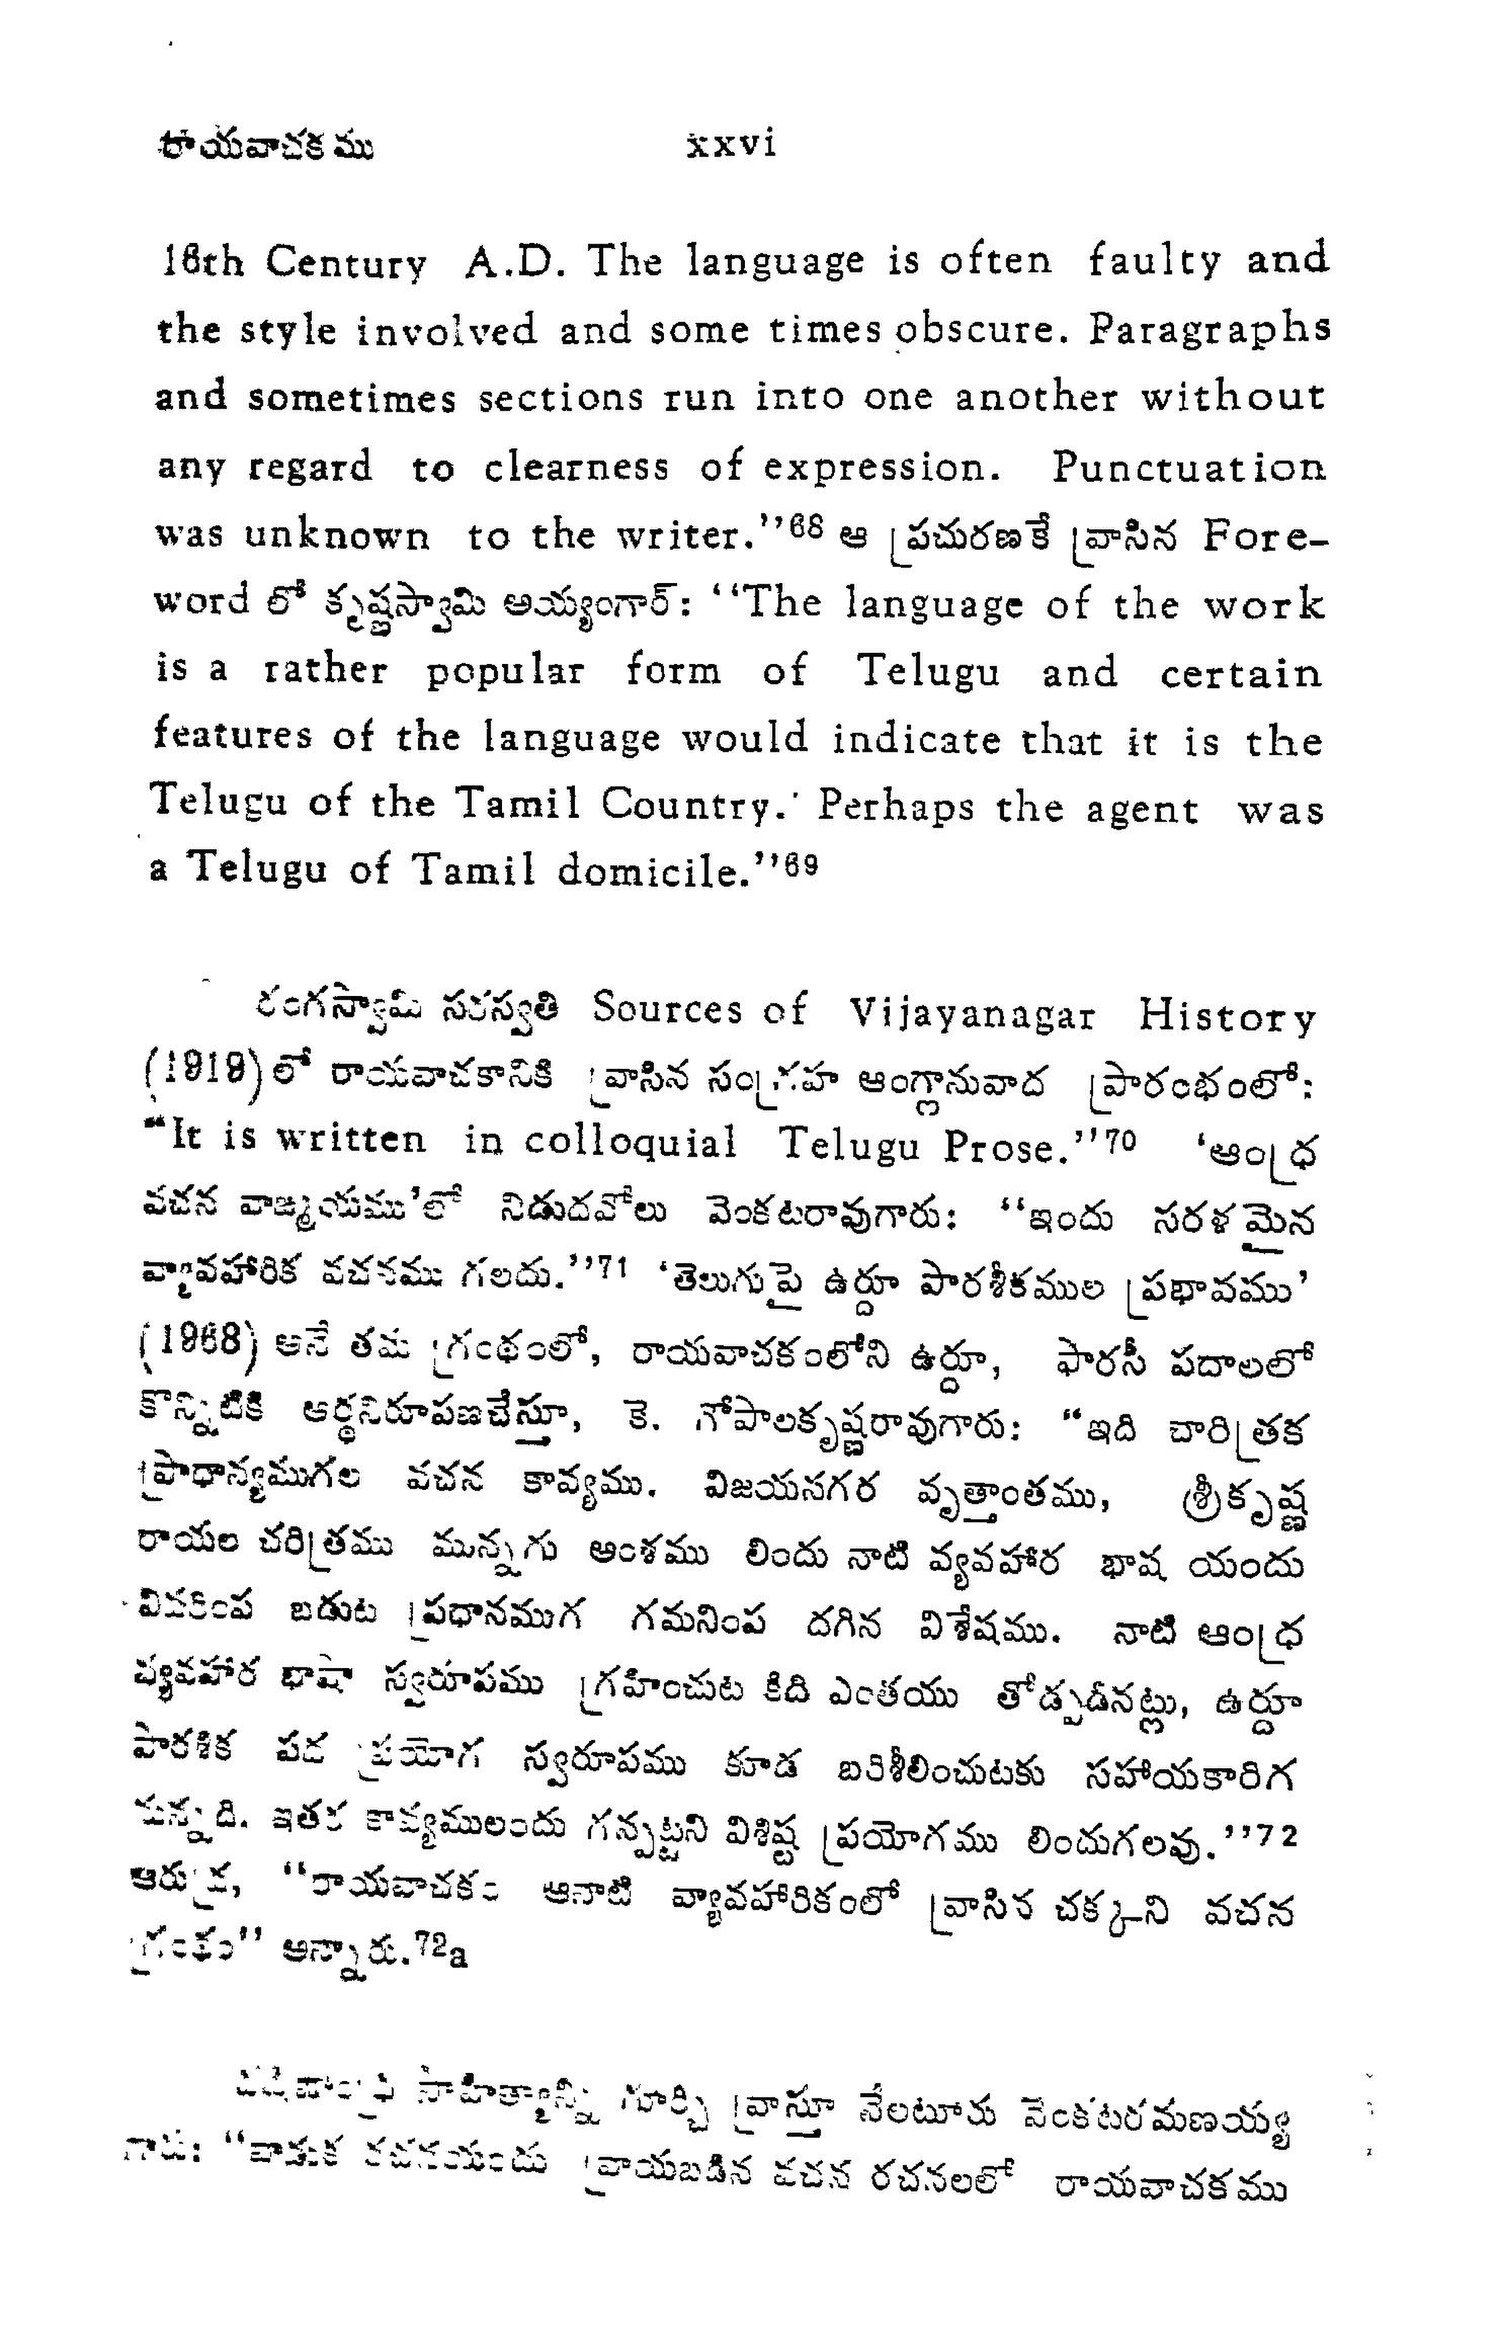16th Century A.D. The language is often faulty and the style involved and some times obscure. Paragraphs and sometimes sections run into one another without any regard to clearness of expression. Punctuation was unknown to the writer." ఆ ప్రచురణకే వ్రాసిన Foreword లో కృష్ణస్వామి అయ్యంగార్ : "The language of the work is a rather popular form of Telugu and certain features of the language would indicate that it is the Telugu of the Tamil Country. Perhaps the agent was a Telugu of Tamil domicile."

రంగస్వామి సరస్వతి Sources of Vijayanagar History(1919) లో రాయవాచకానికి వ్రాసిన సంగ్రహ ఆంగ్లానువాద ప్రారంభంలో: "It is written in colloquial Telugu Prose." 'ఆంధ్రవచనవాఙ్మయము'లో నిడుదవోలు వెంకటరావుగారు: “ఇందు సరళమైన వ్యావహారిక వచనము గలదు." 'తెలుగుపై ఉర్దూ పారశీకముల ప్రభావము' (1968) అనే తమ గ్రంథంలో, రాయవాచకంలోని ఉర్దూ, ఫారసీ పదాలలో కొన్నిటికి అర్థనిరూపణ చేస్తూ, కె. గోపాలకృష్ణరావుగారు "ఇది చారిత్రక ప్రాధాన్యముగల వచన కావ్యము. విజయనగర వృత్తాంతము, శ్రీకృష్ణరాయల చరిత్రము మున్నగు అంశము లిందు నాటి వ్యవహార భాష యందు వివరింప బడుట ప్రధానముగ గమనింప దగిన విశేషము. నాటి ఆంధ్ర వ్యవహార భాషా స్వరూపము గ్రహించుట కిది ఎంతయు తోడ్పడినట్లు, ఉర్దూ పారశిక పద ప్రయోగ స్వరూపము కూడ బరిశీలించుటకు సహాయకారిగ నున్నది. ఇతర కావ్యములందు గన్పట్టని విశిష్ట ప్రయోగము లిందుగలవు. ఆరుద్ర, "రాయవాచకం ఆనాటి వ్యావహారికంలో వ్రాసిన చక్కని వచన గ్రంథం" అన్నారు.

దక్షిణాంధ్ర సాహిత్యాన్ని గూర్చి వ్రాస్తూ నేలటూరు వెంకటరమణయ్య గారు: "వాడుక రచనయందు వ్రాయబడిన వచన రచనలలో రాయవాచకము